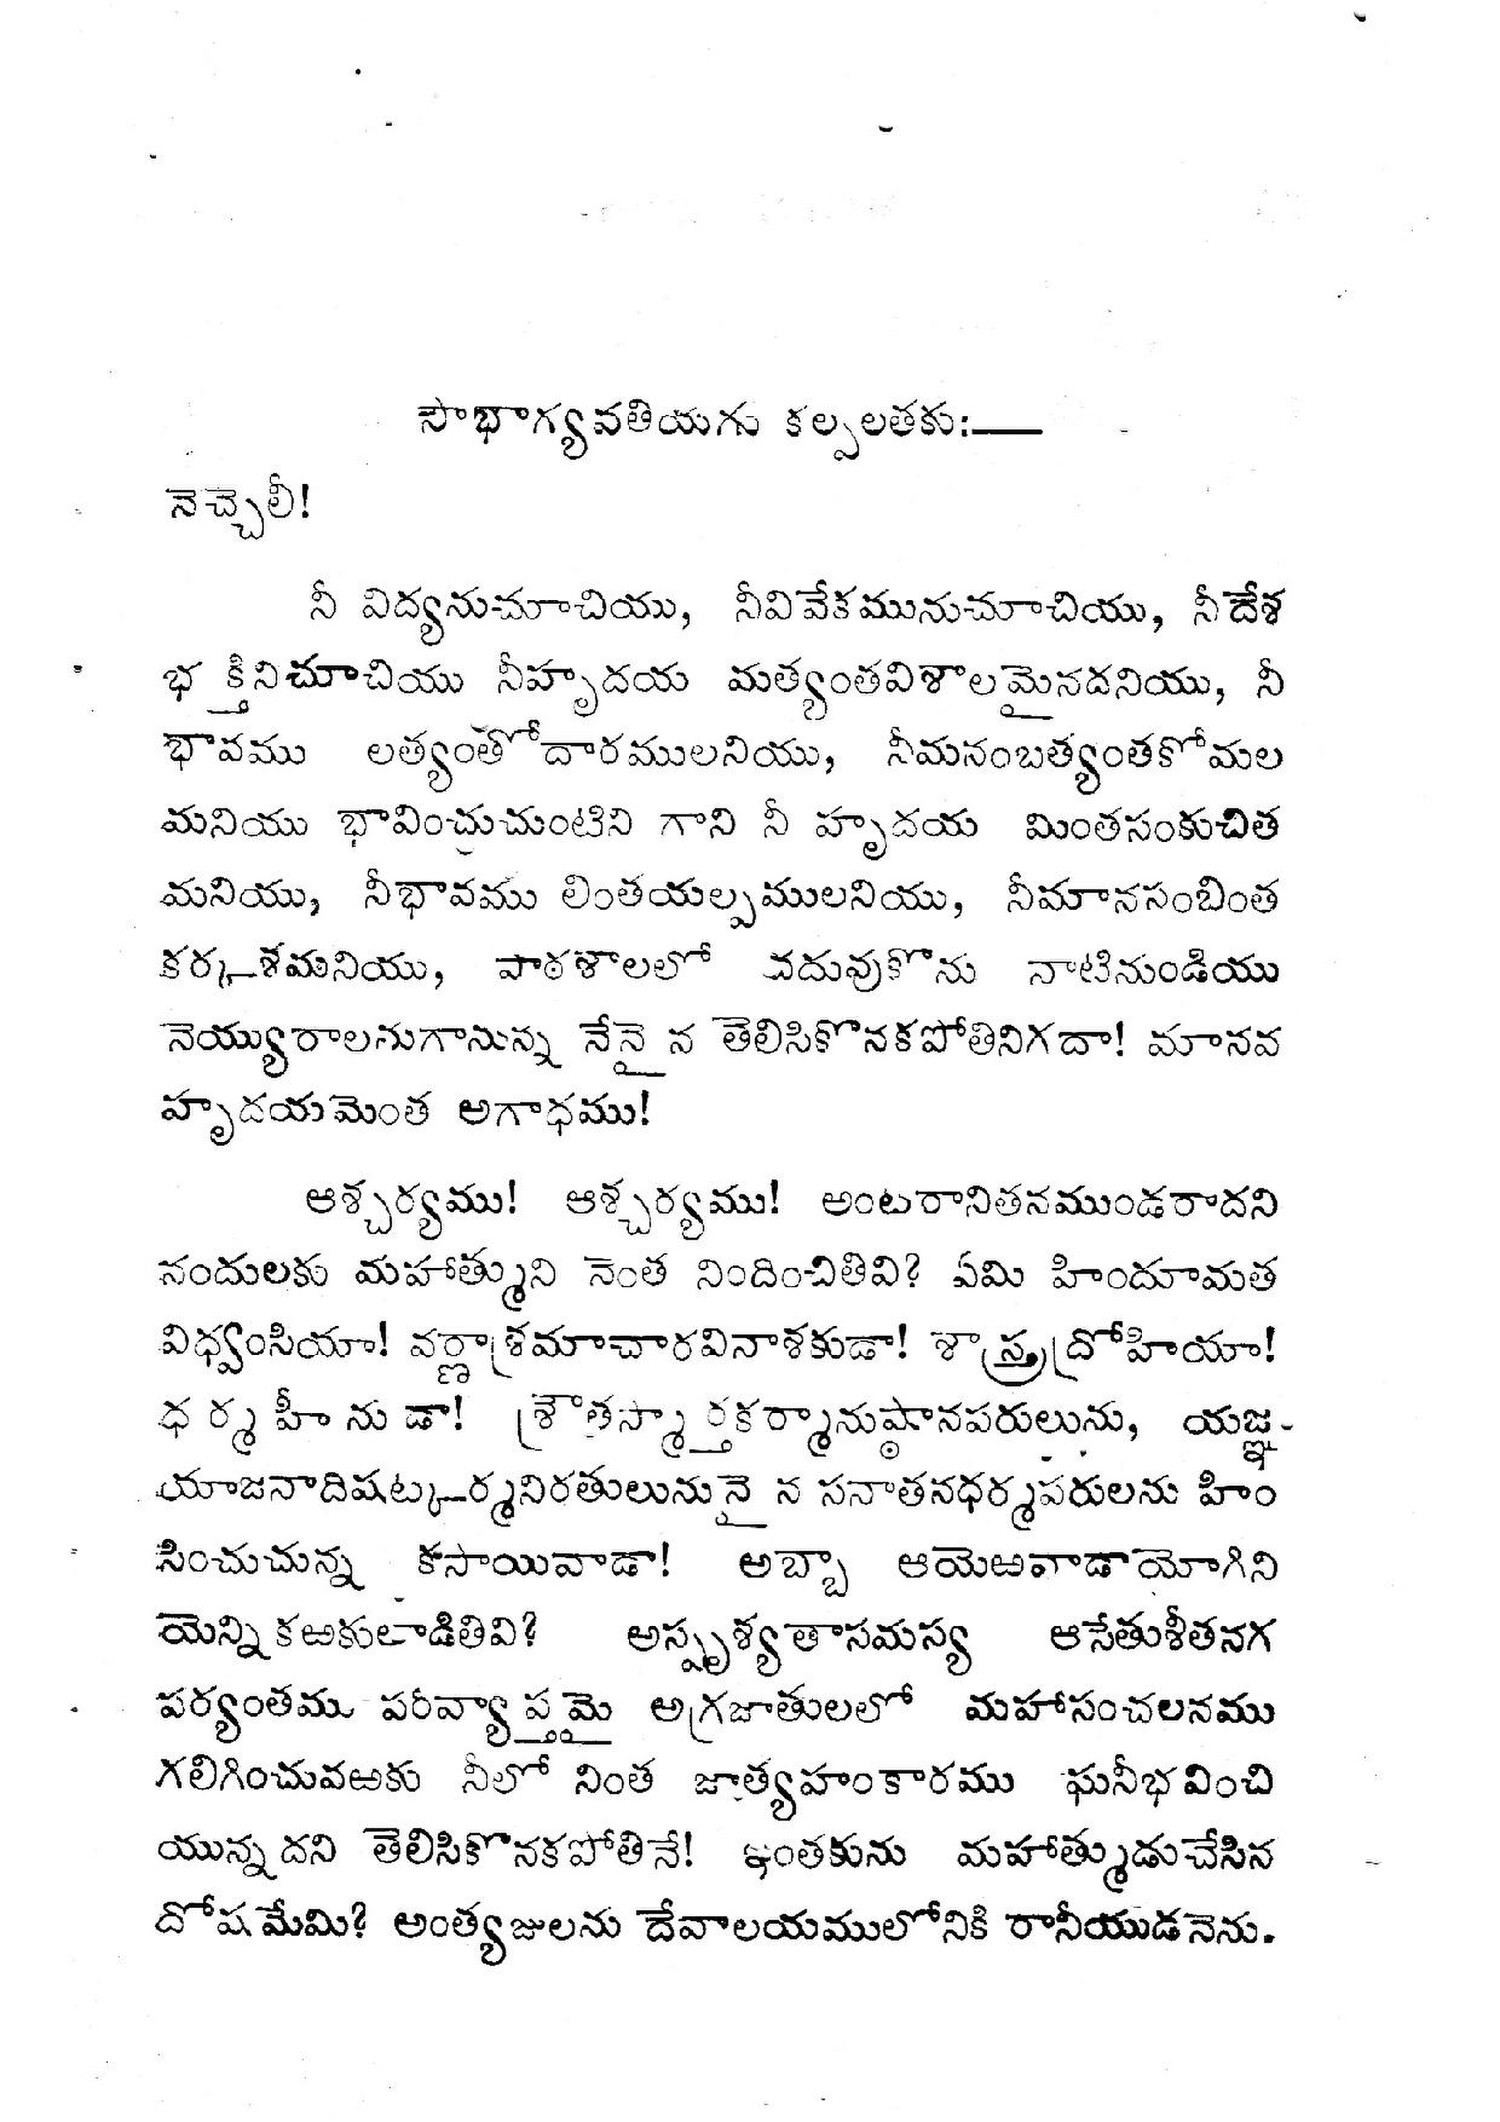సౌభాగ్యవతియగు కల్పలతకు:-

నెచ్చెలీ!

నీ విద్యనుచూచియు, నీవివేకమునుచూచియు, నీదేశభక్తిని చూచియు నీహృదయ మత్యంతవిశాలమైనదనియు, నీభావము లిత్యంతోదారములనియు, నీమానంబత్యంతకోమల
మనియు భావించుచుంటిని గాని నీ హృదయ మింతసంకుచిత మనియు, నీభావము లింతయల్పములనియు, నీమానసంబింత కర్కశమనియు, పాఠశాలలో చదువుకొను నాటినుండియు
నెయ్యురాలనుగానున్న నేనైన తెలిసికొనకపోతినిగదా! మానవహృదయమెంత అగాధము!

ఆశ్చర్యము! ఆశ్చర్యము! అంటరానితనముండరాదని
నందులకు మహాత్ముని నెంత నిందించితివి? ఏమి హిందూమత
విధ్వంసియా! వర్ణాశ్రమాచారవినాశకుడా! శాస్త్రద్రోహియా!
ధర్మహీనుడా! శ్రౌతస్మార్తకర్మానుష్ఠానపరులును, యజ్ఞయాజనాదిషట్కర్మనిరతులునునై న సనాతనధర్మపరులను హింసించుచున్న కసాయివాడా! అబ్బా ఆయెఱవాడాయోగిని
యెన్నికఱకులాడితివి? అస్పృశ్యతాసమస్య ఆసేతుశీతనగ
పర్యంతము పరివ్యాప్తమై అగ్రజాతులలో మహాసంచలనము
గలిగించువఱకు నీలో నింత జాత్యహంకారము ఘనీభవించి
యున్నదని తెలిసికొనకపోతినే! ఇంతకును మహాత్ముడు చేసిన
దోషమేమి? అంత్యజులను దేవాలయములోనికి రానీయుడనెను.